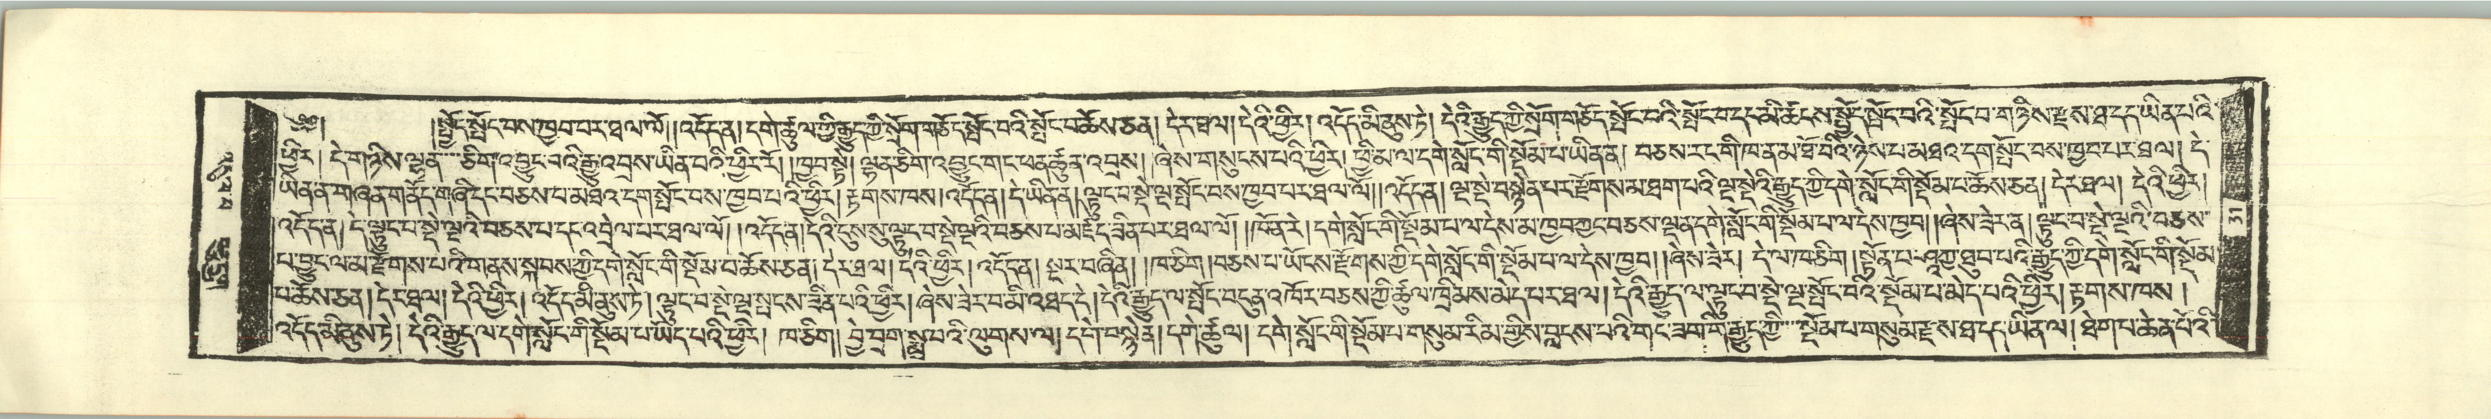༄༅། །སྤྱོད་སྤོང་བས་ཁྱབ་པར་ཐལ་ལོ། །འདོད་ན། དགེ་ཚུལ་གྱི་རྒྱུད་ཀྱི་སྲོག་གཅོད་སྤོང་བའི་སྤོང་བ་ཆོས་ཅན། དེར་ཐལ། དེའི་ཕྱིར། འདོད་མི་ནུས་ཏེ། དེའི་རྒྱུད་ཀྱི་སྲོག་གཅོད་སྤོང་བའི་སྤོང་བ་དང་མི་ཚངས་སྤྱོད་སྤོང་བའི་སྤོང་བ་གཉིས་རྫས་ཐ་དད་ཡིན་པའི་
ཕྱིར། དེ་གཉིས་ལྷན་ཅིག་འབྱུང་བའི་རྒྱུ་འབྲས་ཡིན་པའི་ཕྱིར་རོ། །ཁྱབ་སྟེ། ལྷན་ཅིག་འབྱུང་གང་ཕན་ཚུན་འབྲས། །ཞེས་གསུངས་པའི་ཕྱིར། ཕྱི་མ་ལ་དགེ་སློང་གི་སྡོམ་པ་ཡིན་ན། བཅས་རང་གི་ཁ་ན་མ་ཐོ་བའི་ཉེས་པ་མཐའ་དག་སྤོང་བས་ཁྱབ་པར་ཐལ། དེ་
ཡིན་ན་གཞན་གནོད་གཞི་དང་བཅས་པ་མཐའ་དག་སྤོང་བས་ཁྱབ་པའི་ཕྱིར། རྟགས་ཁས། འདོད་ན། དེ་ཡིན་ན། ལྟུང་བ་སྡེ་ལྔ་སྤོང་བས་ཁྱབ་པར་ཐལ་ལོ། །འདོད་ན། ལྔ་སྡེ་བསྙེན་པར་རྫོགས་མ་ཐག་པའི་ལྔ་སྡེའི་རྒྱུད་ཀྱི་དགེ་སློང་གི་སྡོམ་པ་ཆོས་ཅན། དེར་ཐལ། དེའི་ཕྱིར།
འདོད་ན། དེ་ལྟུང་བ་སྡེ་ལྔའི་བཅས་པ་དང་འབྲེལ་པར་ཐལ་ལོ། །འདོད་ན། དེའི་དུས་སུ་ལྟུང་བ་སྡེ་ལྔའི་བཅས་པ་མཛད་ཟིན་པར་ཐལ་ལོ། །ཁོ་ན་རེ། དགེ་སློང་གི་སྡོམ་པ་ལ་དེས་མ་ཁྱབ་ཀྱང་བཅས་ལྡན་དགེ་སློང་གི་སྡོམ་པ་ལ་དེས་ཁྱབ། །ཞེས་ཟེར་ན། ལྟུང་བ་སྡེ་ལྔའི་བཅས་
པ་བྱུང་ལ་མ་རྫོགས་པའི་གནས་སྐབས་ཀྱི་དགེ་སློང་གི་སྡོམ་པ་ཆོས་ཅན། དེར་ཐལ། དེའི་ཕྱིར། འདོད་ན། སྔར་བཞིན། །ཁ་ཅིག །བཅས་པ་ཡོངས་རྫོགས་ཀྱི་དགེ་སློང་གི་སྡོམ་པ་ལ་དེས་ཁྱབ། །ཞེས་ཟེར། དེ་ལ་ཁ་ཅིག །སྟོན་པ་ཤཱཀྱ་ཐུབ་པའི་རྒྱུད་ཀྱི་དགེ་སློང་གི་སྡོམ་
པ་ཆོས་ཅན། དེར་ཐལ། དེའི་ཕྱིར། འདོད་མི་ནུས་ཏེ། ལྟུང་བ་སྡེ་ལྔ་སྤངས་ཟིན་པའི་ཕྱིར། ཞེས་ཟེར་བ་མི་འཐད་དེ། དེའི་རྒྱུད་ལ་སྤོང་བདུན་འཁོར་བཅས་ཀྱི་ཚུལ་ཁྲིམས་མེད་པར་ཐལ། དེའི་རྒྱུད་ལ་ལྟུང་བ་སྡེ་ལྔ་སྤོང་བའི་སྡོམ་པ་མེད་པའི་ཕྱིར། རྟགས་ཁས།
འདོད་མི་ནུས་ཏེ། དེའི་རྒྱུད་ལ་དགེ་སློང་གི་སྡོམ་པ་ཡོད་པའི་ཕྱིར། ཁ་ཅིག །བྱེ་བྲག་སྨྲ་བའི་ལུགས་ལ། དགེ་བསྙེན། དགེ་ཚུལ། དགེ་སློང་གི་སྡོམ་པ་གསུམ་རིམ་གྱིས་བླངས་པའི་གང་ཟག་གི་རྒྱུད་ཀྱི་སྡོམ་པ་གསུམ་རྫས་ཐ་དད་ཡིན་ལ། ཐེག་པ་ཆེན་པོའི་